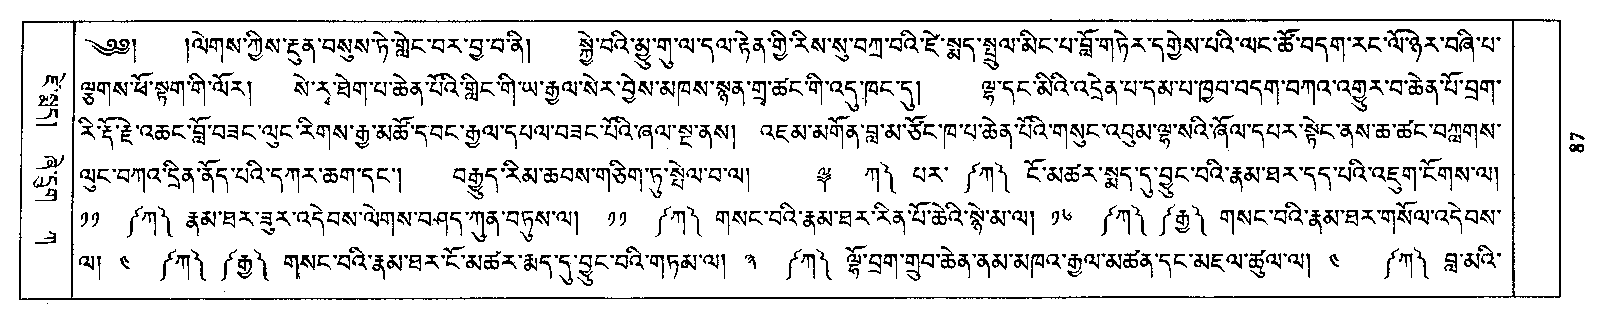༄༅། །ལེགས་ཀྱིས་རྡུན་བསུས་ཏེ་གླེང་བར་བྱ་བ་ནི། སྐྱེ་བའི་མྱུ་གུ་ལ་དལ་རྟེན་གྱི་རིས་སུ་བཀྲ་བའི་ཛེ་སྨད་སྤྲུལ་མིང་པ་བློ་གཏེར་དགྱེས་པའི་ལང་ཚོ་བདག་རང་ལོ་ཉེར་བཞི་པ་
ལྕགས་ཕོ་སྟག་གི་ལོར། སེ་རྭ་ཐེག་པ་ཆེན་པོའི་གླིང་གི་ཡ་རྒྱལ་སེར་བྱེས་མཁས་སྙན་གྲྭ་ཚང་གི་འདུ་ཁང་དུ། ལྷ་དང་མིའི་འདྲེན་པ་དམ་པ་ཁྱབ་བདག་བཀའ་འགྱུར་བ་ཆེན་པོ་བྲག་
རི་རྡོ་རྗེ་འཆང་བློ་བཟང་ལུང་རིགས་རྒྱ་མཚོ་དབང་རྒྱལ་དཔལ་བཟང་པོའི་ཞལ་སྔ་ནས། འཇམ་མགོན་བླ་མ་ཙོང་ཁ་པ་ཆེན་པོའི་གསུང་འབུམ་ལྷ་སའི་ཞོལ་དཔར་སྟེང་ནས་ཆ་ཚང་བཀླགས་
ལུང་བཀའ་དྲིན་ནོད་པའི་དཀར་ཆག་དང་། བརྒྱུད་རིམ་ཆབས་གཅིག་ཏུ་སྤེལ་བ་ལ། ༈ ཀ༼་པར་?ཀ༽ ངོ་མཚར་སྨད་དུ་བྱུང་བའི་རྣམ་ཐར་དད་པའི་འཇུག་ངོགས་ལ།
༡༡་?ཀ༼་རྣམ་ཐར་ཟུར་འདེབས་ལེགས་བཤད་ཀུན་བཏུས་ལ། ༡༡་?ཀ༽ གསང་བའི་རྣམ་ཐར་རིན་པོ་ཆེའི་སྙེ་མ་ལ། ༡༦་?ཀ༼་?རྒྱ༽ གསང་བའི་རྣམ་ཐར་གསོལ་འདེབས་
ལ། ༤་?ཀ༼་?རྒྱ༽ གསང་བའི་རྣམ་ཐར་ངོ་མཚར་རྨད་དུ་བྱུང་བའི་གཏམ་ལ། ༣་?ཀ༼་ལྷོ་བྲག་གྲུབ་ཆེན་ནམ་མཁའ་རྒྱལ་མཚན་དང་མཇལ་ཚུལ་ལ། ༤་?ཀ༽ བླ་མའི་